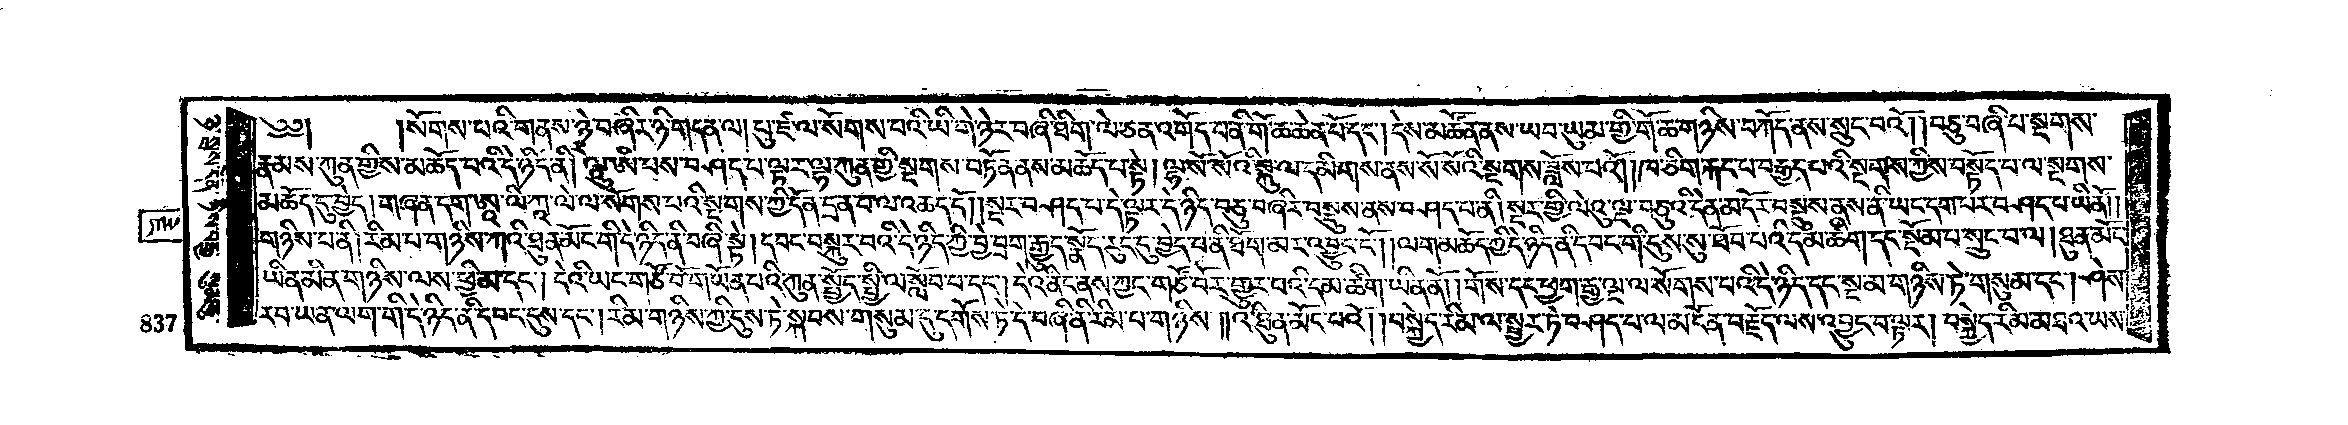༄༅། །སོགས་པའི་གནས་ཉེ་བཞིར་ཉི་གདན་ལ། པུ་ཛ་ལ་སོགས་པའི་ཡི་གེ་ཉེར་བཞི་ཐིག་ལེ་ཅན་འགོད་པ་ནི་གོ་ཆ་ཆེན་པོ་དང་། དེས་མཚོན་ནས་ཡབ་ཡུམ་གྱི་གོ་ཆ་གཉིས་བཀོད་ནས་སྲུང་བའོ། །བཅུ་བཞི་པ་སྔགས་
རྣམས་ཀུན་གྱིས་མཆོད་པའི་དེ་ཉིད་ནི། ལཱུ་ཨི་པས་བཤད་པ་ལྟར་ལྷ་ཀུན་གྱི་སྔགས་བཏོན་ནས་མཆོད་པ་སྟེ། ལྷ་སོ་སེའི་སྐུ་ལ་དམིགས་ནས་སོ་སོའི་སྔགས་ཟློས་པའོ། །ཁ་ཅིག་རྐང་པ་བརྒྱད་པའི་སྔགས་ཀྱིས་བསྟོད་པ་ལ་སྔགས་
མཆོད་དུ་བྱེད། གཞན་དག་ཨཱ་ལི་ཀཱ་ལི་ལ་སོགས་པའི་སྔགས་ཀྱི་དོན་དྲན་པ་ལ་འཆད་དོ། །སྔར་བཤད་པ་དེ་ལྟར་དེ་ཉིད་བཅུ་བཞིར་བསྡུས་ནས་བཤད་པ་ནི། སྔར་གྱི་ལེའུ་ལྔ་བཅུའི་དོན་མདོར་བསྡུས་ནས་ནི་ཡང་དག་པར་བཤད་པ་ཡིན་ནོ། །
གཉིས་པ་ནི། རིམ་པ་གཉིས་ཀའི་ཐུན་མོང་གི་དེ་ཉིད་ནི་བཞི་སྟེ། དབང་བསྐུར་བའི་དེ་ཉིད་ཀྱི་བྱེ་བྲག་རྒྱུད་སྣོད་རུང་དུ་བྱེད་པ་ནི་ཐོག་མར་འབྱུང་ངོ། །ལག་མཆོད་ཀྱི་དེ་ཉིད་ནི་དབང་གི་དུས་སུ་ཐོབ་པའི་དམ་ཚིག་དང་སྡོམ་པ་སྲུང་བ་ལ། ཐུན་མོང་
ཡིན་མིན་གཉིས་ལས་ཕྱི་མ་དང་། དེའི་ཡང་གཙོ་བོ་གཡོན་པའི་ཀུན་སྤྱོད་སྤྱི་ལ་སློབ་པ་དང་། དེའི་ནང་ནས་ཀྱང་གཙོ་བོར་གྱུར་པའི་དམ་ཚིག་ཡིན་ནོ། །གོས་དང་ཕྱག་རྒྱ་ལྔ་ལ་སོགས་པའི་དེ་ཉིད་དང་སྔ་མ་གཉིས་ཏེ་གསུམ་དང་། ཤེས་
རབ་ཡན་ལག་གི་དེ་ཉིད་ནི་དབང་དུས་དང་། རིམ་གཉིས་ཀྱི་དུས་ཏེ་སྐབས་གསུམ་དུ་དགོས་ཏེ་དེ་བཞི་ནི་རིམ་པ་གཉིས་ཀའི་ཐུན་མོང་པའོ། །བསྐྱེད་རིམ་ལ་སྦྱར་ཏེ་བཤད་པ་ལ་མངོན་བརྗོད་ལས་འབྱུང་བ་ལྟར། བསྐྱེད་རིམ་མཐའ་ཡས་